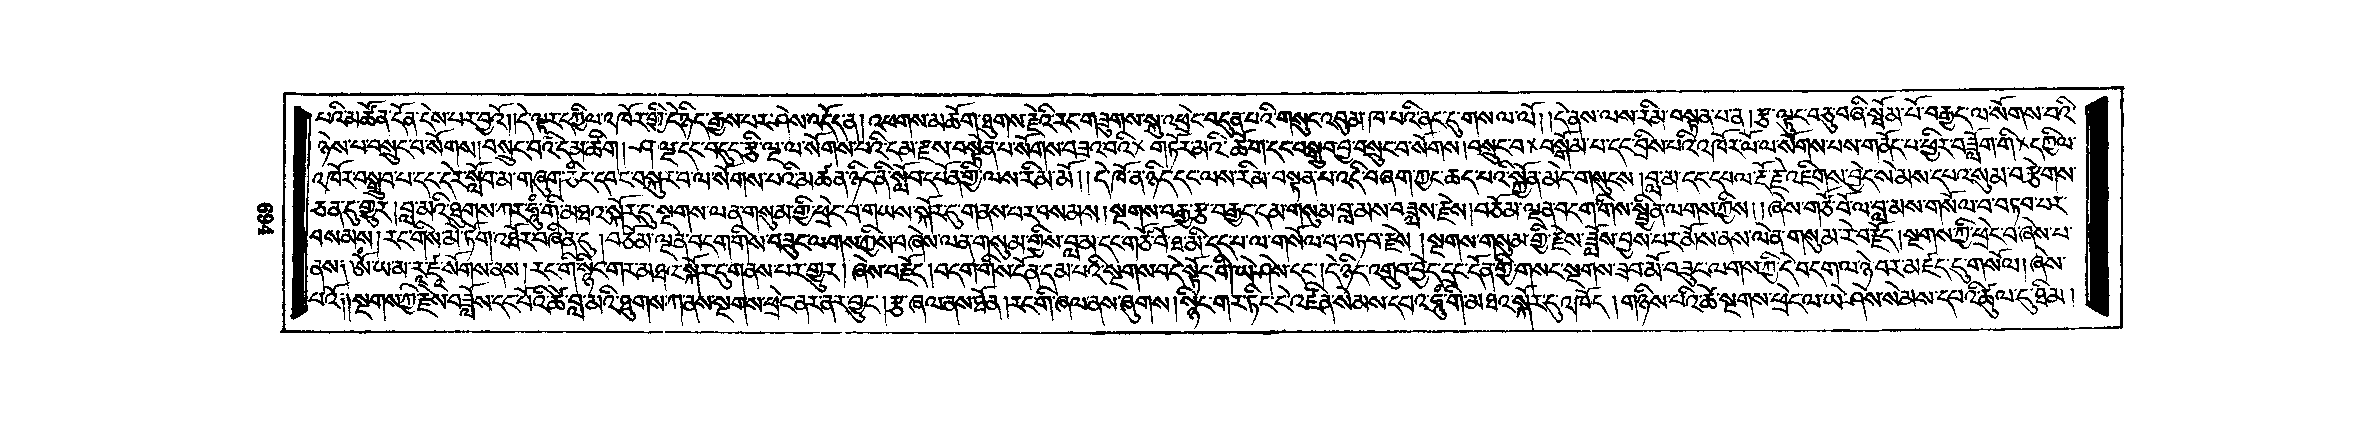པའི་མཚོན་དོན་ངེས་པར་བྱའོ། །དེ་ལྟར་དཀྱིལ་འཁོར་གྱི་དེ་ཉིད་རྒྱས་པར་ཤེས་འདོད་ན། འཕགས་མཆོག་ཐུགས་རྗེའི་རང་གཟུགས་སྐུ་འཕྲེང་བདུན་པའི་གསུང་འབུམ་ཁ་པའི་ནང་དུ་གསལ་ལོ། །དེ་ནས་ལས་རིམ་བསྟན་པ་ན། རྩ་ལྟུང་བཅུ་བཞི་སྦོམ་པོ་བརྒྱད་ལ་སོགས་པའི་
ཉེས་པ་བསྲུང་བ་སོགས། བསྲུང་བའི་དམ་ཚིག །ཤ་ལྔ་དང་བདུད་རྩི་ལྔ་ལ་སོགས་པའི་དམ་རྫས་བསྟེན་པ་སོགས་བཟའ་བའི་྾་གཏོར་མའི་ཆོ་ག་དང་བསྒྲུབ་བྱ་བསྲུང་བ་སོགས། བསྲུང་བ་྾་བསྒོམ་པ་དང་བྲིས་པའི་འཁོར་ལོ་ལ་སོགས་པས་གནོད་པ་ཕྱིར་བཟློག་གི་྾་དཀྱིལ་
འཁོར་བསྒྲུབ་པ་དང་དེར་སློབ་མ་གཞུག་ཅིང་དབང་བསྐུར་བ་ལ་སོགས་པའི་མཚན་ཉིད་ནི་སློབ་དཔོན་གྱི་ལས་རིམ་མོ། །དེ་ཁོ་ན་ཉིད་དང་ལས་རིམ་བསྟན་པ་འདི་བཞག་ཀྱང་ཆད་པའི་སྐྱོན་མེད་གསུངས། བླ་མ་དང་དཔལ་རྡོ་རྗེ་འཇིགས་བྱེད་སེམས་དཔའ་སུམ་བརྩེགས་
ཅན་དུ་གྱུར། བླ་མའི་ཐུགས་ཀར་ཧཱུཾ་གི་མཐའ་སྐོར་དུ་སྔགས་ལན་གསུམ་གྱི་ཕྲེང་བ་གཡས་སྐོར་དུ་གནས་པར་བསམས། སྔགས་བརྒྱ་རྩ་བརྒྱད་དམ་གསུམ་བླ་མས་བཟླས་རྗེས། བཅོམ་ལྡན་བདག་གིས་སྦྱིན་ལགས་ཀྱིས། །ཞེས་གཙོ་བོ་ལ་བླ་མས་གསོལ་བ་བཏབ་པར་
བསམས། རང་གིས་མེ་ཏོག་འཐོར་བཞིན་དུ། བཅོམ་ལྡན་བདག་གིས་བཟུང་ལགས་ཀྱིས་བཞེས་ལན་གསུམ་གྱིས་བླ་མ་དང་གཙོ་བོ་ཐ་མི་དད་པ་ལ་གསོལ་བ་བཏབ་རྗེས། སྔགས་གསུམ་གྱི་རྗེས་ཟློས་བྱས་པར་མོས་ནས་ལེན་གསུམ་རེ་བརྗོད། སྔགས་ཀྱི་ཕྲེང་བ་ཞེས་པ་
ནས། ཨོཾ་ཡ་མ་རཱ་ཛཱ་སོགས་ནས། རང་གི་སྙིང་གར་མཐའ་སྐོར་དུ་གནས་པར་གྱུར། ཞེས་བརྗོད། བདག་གིས་དོན་དམ་པའི་སྔགས་བདེ་སྟོང་གི་ཡེ་ཤེས་དང་། དེ་ཉིད་འགྲུབ་བྱེད་དྲང་དོན་གྱི་གསང་སྔགས་ཟབ་མོ་བཟུང་ལགས་ཀྱི་དེ་བདག་ལ་ཉེ་བར་མཛད་དུ་གསོལ། ཞེས་
པའོ། །སྔགས་ཀྱི་རྗེས་བཟློས་དང་པོའི་ཚེ་བླ་མའི་ཐུགས་ཀ་ནས་སྔགས་ཕྲེང་ནར་ནར་བྱུང་། རྩ་ཞལ་ནས་ཐོན། རང་གི་ཞལ་ནས་ཞུགས། སྙིང་གར་ཏིང་ངེ་འཛིན་སེམས་དཔའི་ཧཱུཾ་གི་མཐའ་སྐོར་དུ་འཁོད། །གཉིས་པའི་ཚེ་སྔགས་ཕྲེང་ལ་ཡེ་ཤེས་སེམས་དཔའི་ཚུལ་དུ་ཐིམ།